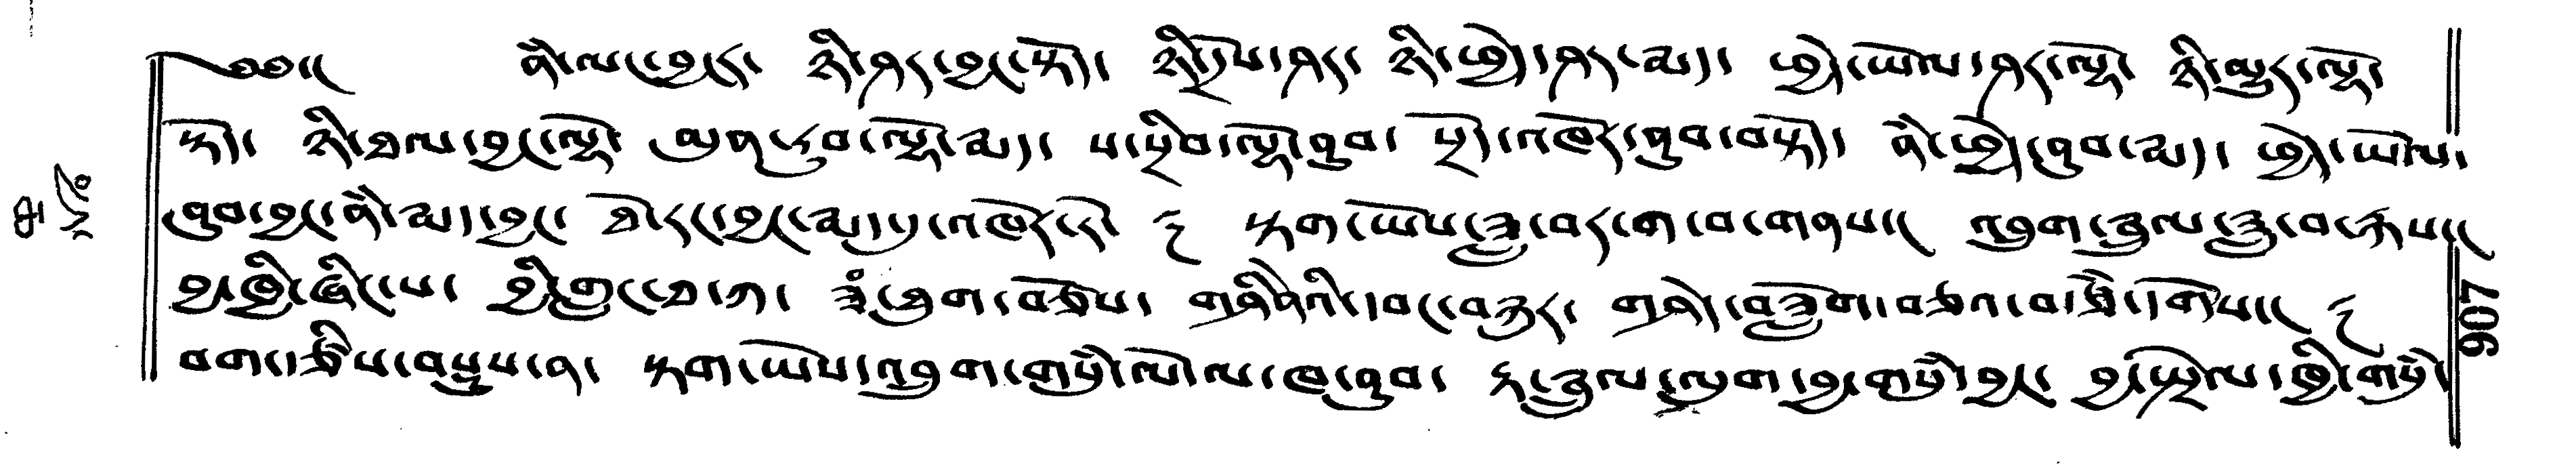ནམ་ལང་བྱང་ཤར། ཉི་ཤར་བྱང་སྟོད། ཉི་དྲོས་ཤར། ཉི་ཕྱེད་ཤར་སྨད། ཕྱེད་ཡོལ་ཤར་ལྷོ། ཉི་མྱུར་ལྷོ་
སྟོད། ཉི་ཐལ་བྱང་ལྷོ། མུན་རུབ་ལྷོ་སྨད། ས་སྲིབ་ལྷོ་ནུབ། སྲོད་འཁོར་ནུབ་བསྟོད། ནམ་ཕྱེད་ནུབ་སྨད། ཕྱེད་ཡོལ་
ནུབ་བྱང་ནམ་སྨད་བྱང་། ཐོ་རངས། བྱང་སྨད་དུ་འཁོར་རོ། ༈ སྟག་ཡོས་ཟླ་བར་ཀ་བར་གནས། འབྲུག་སྦྲུལ་ཟླ་བ་སྐས། 
བྱ་ཁྱི་ཞིང་ས། བྱི་གླང་ཐ་ཀ ཟམ་ཐུག་བཅོས། གཤིན་རྗེའི་དབང་བསྐུར། གཤེད་བཟློག་བཅའ་བ་རྩམ་དགོས། ༈ 
བག་རྩིས་བསྡུས་ན། སྟག་ཡོས་འབྲུག་གསུམ་ལོ་ལ་ཁ་ནུབ། རྟ་སྦྲུལ་ལུག་བྱ་གསུམ་བྱང་། བྱ་སྤྲེལ་ཁྱི་གསུམ་